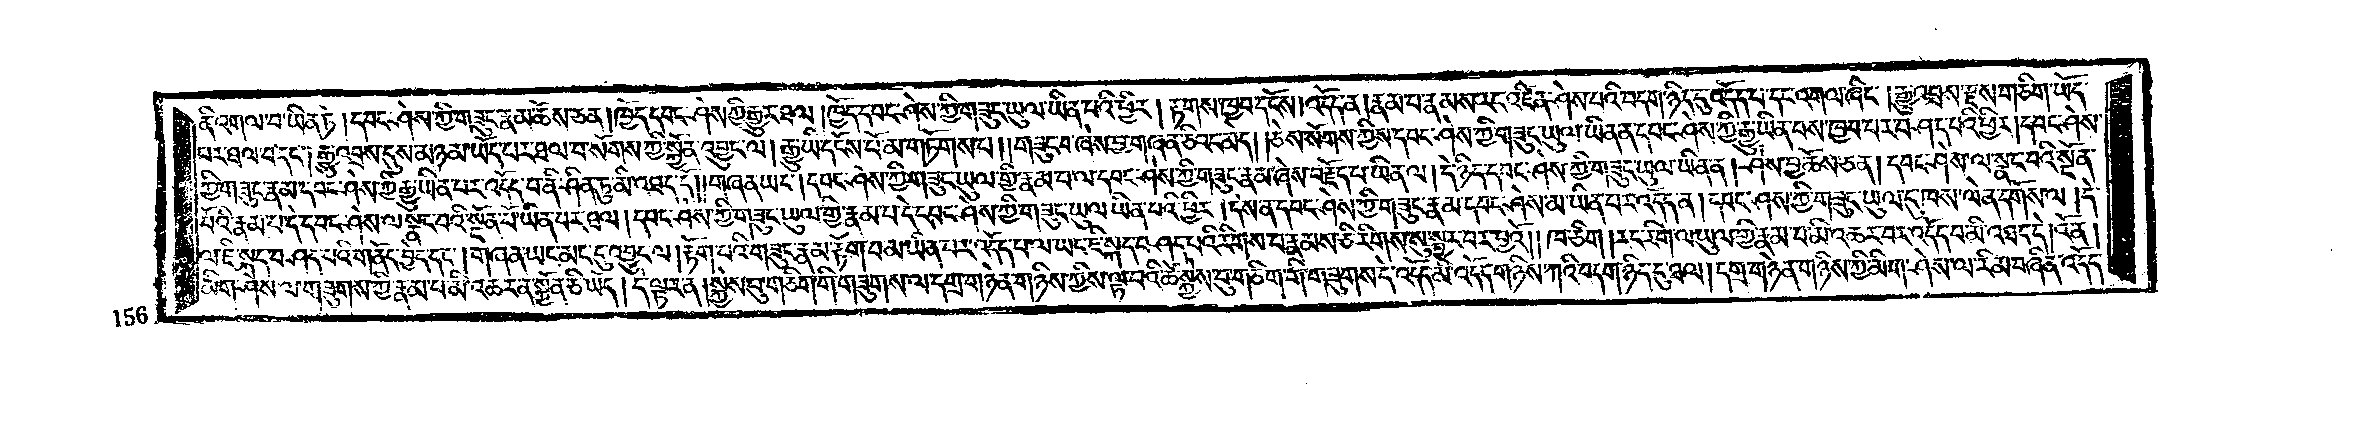ནི་འགལ་བ་ཡིན་ཏེ། དབང་ཤེས་ཀྱི་གཟུང་རྣམ་ཆོས་ཅན། ཁྱོད་དབང་ཤེས་ཀྱི་རྒྱུར་ཐལ། ཁྱོད་དབང་ཤེས་ཀྱི་གཟུང་ཡུལ་ཡིན་པའི་ཕྱིར། རྟགས་ཁྱབ་དངོས། འདོད་ན། རྣམ་པ་རྣམས་རང་འཛིན་ཤེས་པའི་བདག་ཉིད་དུ་འདོད་པ་དང་འགལ་ཞིང་། རྒྱུ་འབྲས་རྫས་གཅིག་ཡོད་
པར་ཐལ་བ་དང་། རྒྱུ་འབྲས་དུས་མཉམ་ཡོད་པར་ཐལ་བ་སོགས་ཀྱི་སྐྱོན་འབྱུང་ལ། རྒྱུ་ཡི་དངོས་པོ་མ་གཏོགས་པ། །གཟུང་བ་ཞེས་བྱ་གཞན་ཅིའང་མེད། །ཅེས་སོགས་ཀྱིས་དབང་ཤེས་ཀྱི་གཟུང་ཡུལ་ཡིན་ན་དབང་ཤེས་ཀྱི་རྒྱུ་ཡིན་པས་ཁྱབ་པར་བཤད་པའི་ཕྱིར། དབང་ཤེས་
ཀྱི་གཟུང་རྣམ་དབང་ཤེས་ཀྱི་རྒྱུ་ཡིན་པར་འདོད་པ་ནི་ཤིན་ཏུ་མི་འཐད་དོ། །གཞན་ཡང་། དབང་ཤེས་ཀྱི་གཟུང་ཡུལ་གྱི་རྣམ་པ་ལ་དབང་ཤེས་ཀྱི་གཟུང་རྣམ་ཞེས་བརྗོད་པ་ཡིན་ལ། དེ་ཉིད་དབང་ཤེས་ཀྱི་གཟུང་ཡུལ་ཡིན་ན། ཤེས་བྱ་ཆོས་ཅན། དབང་ཤེས་ལ་སྣང་བའི་སྔོན་
པོའི་རྣམ་པ་དེ་དབང་ཤེས་ལ་སྣང་བའི་སྔོན་པོ་ཡིན་པར་ཐལ། དབང་ཤེས་ཀྱི་གཟུང་ཡུལ་གྱི་རྣམ་པ་དེ་དབང་ཤེས་ཀྱི་གཟུང་ཡུལ་ཡིན་པའི་ཕྱིར། དེས་ན་དབང་ཤེས་ཀྱི་གཟུང་རྣམ་དབང་ཤེས་མ་ཡིན་པར་འདོད་ན། དབང་ཤེས་ཀྱི་གཟུང་ཡུལ་དུ་ཁས་ལེན་དགོས་ལ། དེ་
ལ་ཇི་སྐད་བཤད་པའི་གནོད་བྱེད་དང་། གཞན་ཡང་མང་དུ་འབྱུང་ལ། རྟོག་པའི་གཟུང་རྣམ་རྟོག་པ་མ་ཡིན་པར་འདོད་པ་ལ་ཡང་ཇི་སྐད་བཤད་པའི་རིགས་པ་རྣམས་ཅི་རིགས་སུ་སྦྱར་བར་བྱའོ། །ཁ་ཅིག །རང་རིག་ལ་ཡུལ་གྱི་རྣམ་པ་མི་འཆར་བར་འདོད་པ་མི་འཐད་དེ། འོ་ན།
མིག་ཤེས་ལ་གཟུགས་ཀྱི་རྣམ་པ་མི་འཆར་ན་སྐྱོན་ཅི་ཡོད། དེ་ལྟར་ན། སྐྱེས་བུ་གཅིག་གི་གཟུགས་ལ་དགྲ་གཉེན་གཉིས་ཀྱིས་ལྟ་བའི་ཚེ་སྐྱེས་བུ་གཅིག་གི་གཟུགས་དེ་འདོད་མི་འདོད་གཉིས་ཀའི་བདག་ཉིད་དུ་ཐལ། དགྲ་གཉེན་གཉིས་ཀྱི་མིག་ཤེས་ལ་རིམ་བཞིན་འདོད་